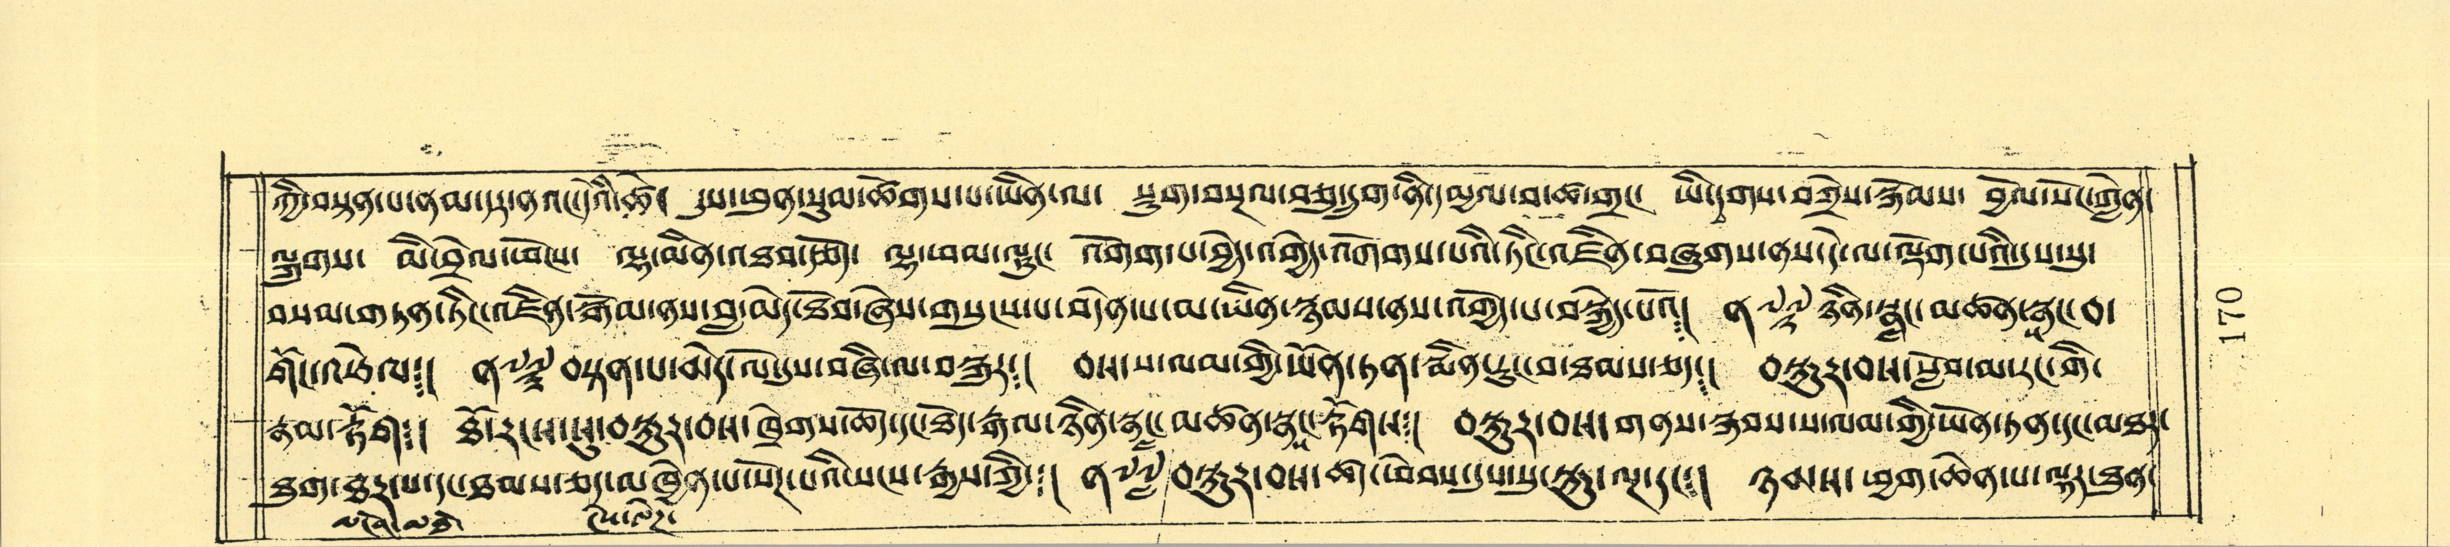ཀྱི་བསྟན་པ་ནམ་དར་ནའང་དེའི་ཚེ། དུས་ཕུན་སུམ་ཚོགས་པ་ཡིན་ལ། སྡུག་བསྔལ་བཅུ་དྲུག་ནི་དམྱལ་བ་ཚ་གྲང་ཡི་དྭགས་བཀྲེས་སྐོམ་བྱོལ་སོང་གླེན་
ལྐུགས་མི་བྲེལ་ཕོངས་ལྷ་མིན་འཐབ་རྩོད་ལྷ་ཕམ་ལྟུང་འགོག་པ་བྱེད་འགྱེད་འགོག་པའི་ཏིང་འཛིན་བཞུགས་ནས་དེ་མ་ལྡོག་པའི་དུས་སུ་
བསམ་གཏན་ཏིང་འཛིན་བསྒོམ་ནས་བླ་མེད་ཐོབ་ཞེས་གསུངས་པ་བདེན་པ་མ་ཡིན་སྙམ་ནས་འགྱོད་པ་བསྐྱེད་པའོ། ན༧༧།༢ ཉིན་སྣང་༤ མཚན་སྣང་༥
༼གོང་འཕེལ༽ན༧༧།༣༼བསྟན་པ་མེད༽ལོ་དུས་བཞི་ལ་བསྐུར།༼བས༽ས་ལམ་གྱི་༼ཡོན་ཏན༽སྨིན་རུང་བ་ཐམས་ཅད་༼བསྐུར་བས༽སློབ་མ་རང་གི་
རྣམ་༼རྟོག ཐོ་རངས་སུ་བསྐུར་བས༽ཁྲེགས་ཆོད་དང་ཐོད་རྒལ་ཉིན་སྣང་༤མཚན་སྣང་༥༼རྟོགས༽༼བསྐུར་བས༽གནས་སྐབས་ས་ལམ་གྱི་ཡོན་ཏན་དང་མཐར་
ཐུག་༼ཐར་པ༽དང་ཐམས་ཅད་མཁྱེན་པ་སོགས་པའི་སངས་རྒྱས་ཀྱི་ན༧༧།༤༼བསྐུར་བས༽ཚད་ཕེབས་དུས་སུ་༼སྐུ་ལྔ་དང༽༼ཉམས༽ཕྱག་ཆེན་པ་ལྟར་ཐུན་